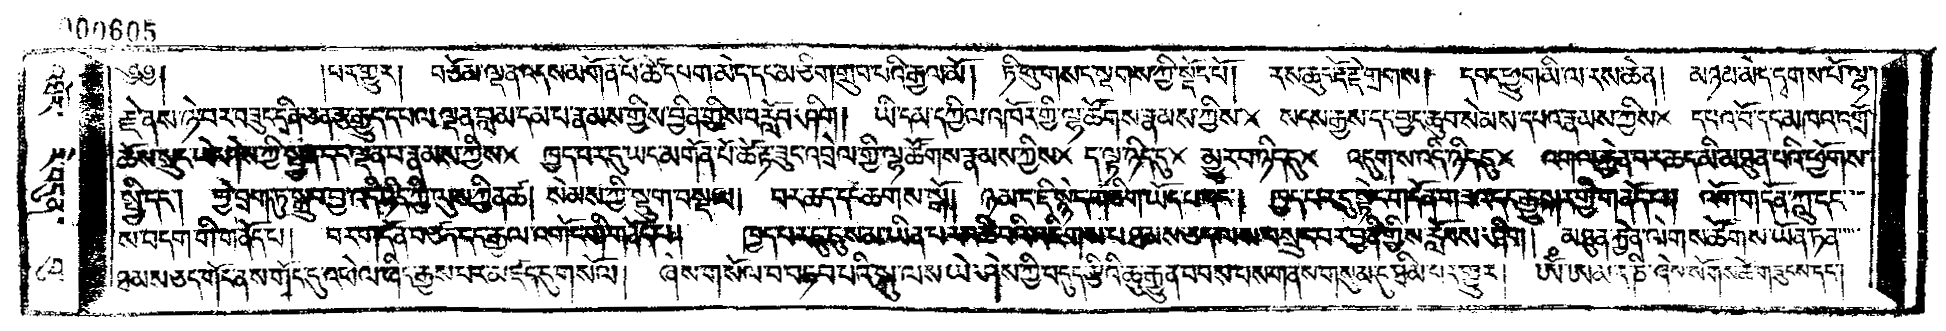༄༅། །པར་གྱུར། བཅོམ་ལྡན་འདས་མགོན་པོ་ཚེ་དཔག་མེད་དང་མ་ཅིག་གྲུབ་པའི་རྒྱལ་མོ། ཏི་ཕུ་གསང་སྔགས་ཀྱི་སྡོང་པོ། རས་ཆུང་རྡོ་རྗེ་གྲགས། དབང་ཕྱུག་མི་ལ་རས་ཆེན། མཉམ་མེད་དྭགས་པོ་ལྷ་
རྗེ་ནས་ཉེ་བར་བཟུང་དྲིན་ཅན་རྩ་རྒྱུད་དཔལ་ལྡན་བླ་མ་དམ་པ་རྣམས་ཀྱིས་བྱིན་གྱིས་བརློབ་ཤིག །ཡི་དམ་དཀྱིལ་འཁོར་གྱི་ལྷ་ཚོགས་རྣམས་ཀྱིས྾་སངས་རྒྱས་དང་བྱང་ཆུབ་སེམས་དཔའ་རྣམས་ཀྱིས྾་དཔའ་བོ་དང་མཁའ་འགྲོ་
ཆོས་སྲུང་ཡེ་ཤེས་ཀྱི་སྤྱན་དང་ལྡན་པ་རྣམས་ཀྱིས྾་ཁྱད་པར་དུ་ཡང་མགོན་པོ་ཚེ་རྟ་ཟུང་འབྲེལ་གྱི་ལྷ་ཚོགས་རྣམས་ཀྱིས྾་ད་ལྟ་ཉིད་དུ྾་མྱུར་བ་ཉིད་དུ྾་འདུག་ས་འདི་ཉིད་དུ྾་འགལ་རྐྱེན་བར་ཆད་མི་མཐུན་པའི་ཕྱོགས་
སྤྱི་དང་། བྱེ་བྲག་ཏུ་སྒྲུབ་བྱ་འདི་ཉིད་ཀྱི་ལུས་ཀྱི་ན་ཚ། སེམས་ཀྱི་སྡུག་བསྔལ། བར་ཆད་དང་ཆགས་སྒོ། ཉམ་ང་ཇི་སྙེད་གཅིག་ཡོད་པ་དང་། ཁྱད་པར་དུ་སྟེང་གདོན་གཟའ་དང་རྒྱུ་སྐར་གྱི་གནོད་པ། འོག་གདོན་ཀླུ་དང་
ས་བདག་གི་གནོད་པ། བར་གདོན་བཙན་དང་རྒྱལ་འགོང་གི་གནོད་པ། ཁྱད་པར་དུ་དུས་མ་ཡིན་པར་འཆི་བའི་འཇིགས་པ་ཐམས་ཅད་ལས་བསྲུང་བར་བྱིན་གྱིས་རློབས་ཤིག །མཐུན་རྐྱེན་ལེགས་ཚོགས་ཡོན་ཏན་
ཐམས་ཅད་གོང་ནས་གོང་དུ་འཕེལ་ཞིང་རྒྱས་པར་མཛད་དུ་གསོལ། ཞེས་གསོལ་བ་བཏབ་པའི་སྐུ་ལས་ཡེ་ཤེས་ཀྱི་བདུད་རྩིའི་ཆུ་རྒྱུན་བབས་པས་གནས་གསུམ་དུ་ཐིམ་པར་གྱུར། ཨོཾ་ཨ་མ་ར་ཎི་ཞེས་སོགས་ཚེ་གཟུངས་དང་།